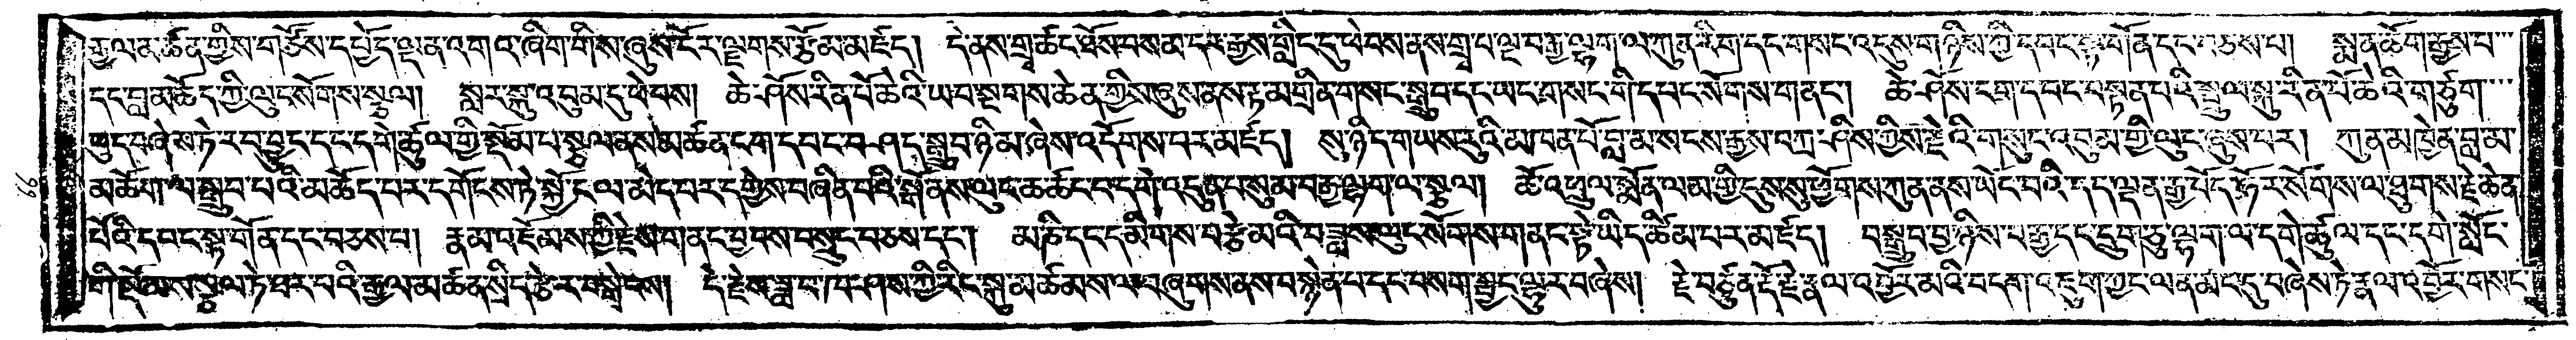རྒྱལ་མཚན་གྱིས་གཙོས་དཔྱོད་ལྡན་འགའ་ཞིག་གིས་ཞུས་ངོར་ལྗགས་རྩོམ་མཛད། དེ་ནས་གྲྭ་ཚང་ཐོས་བསམ་དར་རྒྱས་གླིང་དུ་ཕེབས་ནས་གྲྭ་པ་ལྔ་བརྒྱ་ལྷག་ལ་ཀུན་རིག་དང་གསང་འདུས་གཉིས་ཀྱི་དབང་སྟ་གོ་ན་དང་བཅས་པ། སྨན་ཆོག་རྒྱས་པ་
དང་བླ་མཆོད་ཀྱི་ལུང་སོགས་སྩལ། སླར་སྐུ་འབུམ་དུ་ཕེབས། ཆེ་ཤོས་རིན་པོ་ཆེའི་ཡབ་སྔགས་ཆེན་གྱིས་ཞུས་ནས་རྟ་མགྲིན་གསལ་སྒྲུབ་དང་ཡང་གསང་གི་དབང་སོགས་གནང་། ཆེ་ཤོས་ངག་དབང་བསྟན་པའི་སྤྲུལ་སྐུ་རིན་པོ་ཆེའི་གཙུག་
ཕུད་བཞེས་ཏེ་རབ་བྱུང་དང་དགེ་ཚུལ་གྱི་སྡོམ་པ་སྩལ་ནས་མཚན་ངག་དབང་བཤད་སྒྲུབ་ཉི་མ་ཞེས་འདོགས་པར་མཛད། སུ་ཉིད་གཡས་རུའི་མཁན་པོ་བླ་མས་སངས་རྒྱས་བཀྲ་ཤིས་ཀྱིས་རྗེའི་གསུང་འབུམ་གྱི་ལུང་ཞུས་པར། ཀུན་མཁྱེན་བླ་མ་
མཆོག་ལ་སྒྲུབ་པའི་མཆོད་བར་དགོངས་ཏེ་སྐྱོ་ངལ་མེད་པར་དགྱེས་བཞིན་པའི་སྒོ་ནས་ལུང་ཆ་ཚང་བ་དགེ་འདུན་པ་སུམ་བརྒྱ་ལྷག་ལ་སྩལ། ཆོ་འཕྲུལ་སྨོན་ལམ་གྱི་དུས་སུ་ཕྱོགས་ཀུན་ནས་ཡོང་པའི་དད་ལྡན་རྒྱ་བོད་ཧོར་སོགས་ལ་ཐུགས་རྗེ་ཆེན་
པོའི་དབང་སྟ་གོན་དང་བཅས་པ། རྣམ་འཇོམས་ཀྱི་རྗེས་གནང་བྱ་བས་བསྲུང་བཅས་དང་། མ་ཎི་དང་དམིགས་བརྩེ་མའི་བཟླས་ལུང་སོགས་གནང་སྟེ་ཡིད་ཚིམ་པར་མཛད། བསྒྲུབ་གྱ་ཉིས་བརྒྱ་དང་དྲུག་ཅུ་ལྷག་ལ་དགེ་ཚུལ་དང་དགེ་སློང་
གི་སྡོམ་པ་སྩལ་ཏེ་ཐར་པའི་རྒྱལ་མཚན་སྲིད་རྩེར་བསྒྲེངས། དེ་རྗེས་ཟླ་བ་ཁ་ཤས་ཀྱི་རིང་སྐུ་མཚམས་ལ་བཞུགས་ནས་བསྙེན་པ་དང་བསག་སྦྱང་ལྷུར་བཞེས། རྗེ་བཙུན་རྡོ་རྗེ་རྣལ་འབྱོར་མའི་བདག་འཇུག་ཀྱང་ལན་མང་དུ་བཞེས་ཏེ་རྣལ་འབྱོར་གསང་